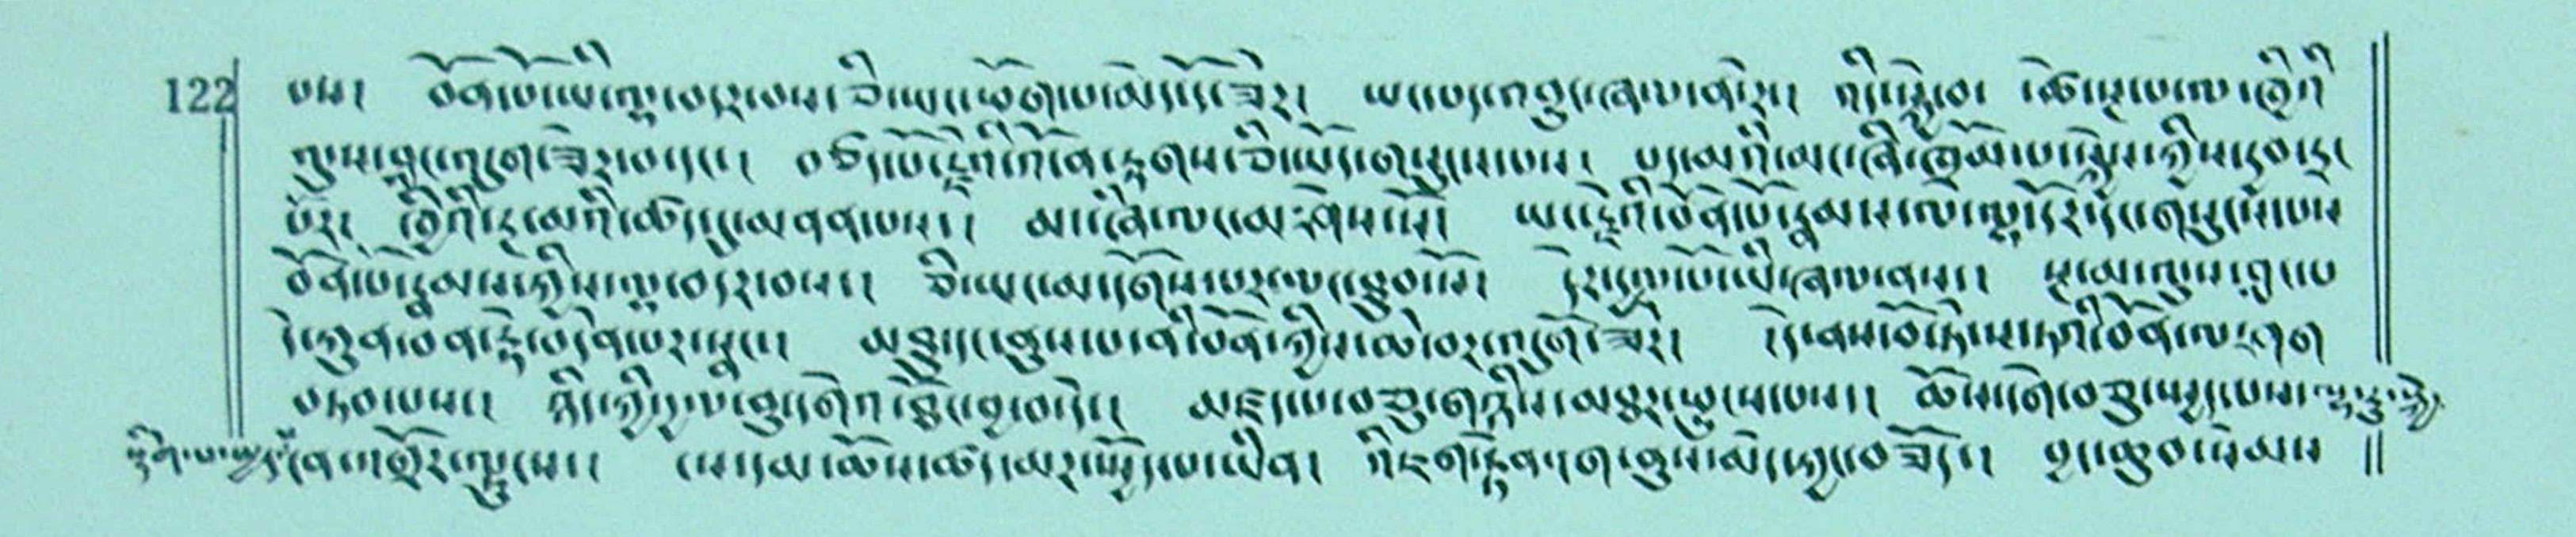པས། བོན་པོ་ཡི་ལྷ་བདར་བས་ཅི་ཡང་ཕོག་པ་མེད་དོ་ཟེར། ཡང་པད་འབྱུང་ཞལ་ན་རེ། འདི་སྐྱེ་བ་ཚེ་སྔ་བ་ལ་ཁྱིའི་
ལུས་བླངས་འདུག་ཟེར་བ་དང་། བཙན་པོ་རྗེས་འོ་ན་རྟགས་ཅི་ཡོད་གསུངས་པས། པད་མའི་མང་ཞི་ཁྲོམ་པ་སྐྱེས་ཀྱི་རྒྱབ་དྲང་
པོར། ཁྱིའི་རྔ་མའི་ཚད་དུ་མནན་པས། མང་ཞི་ལང་མ་ཤེས་སོ། །ཡང་རྗེའི་བོན་པོ་རྣམས་ལ་ལྷ་དོར་དང་གསུངས་པས་
བོན་པོ་རྣམས་ཀྱི་ལྷ་བདར་བས། ཅི་ཡང་མ་དགོས་པར་ལང་ཐུབ་བོ། །དེར་རྒྱལ་པོའི་ཞལ་ནས། སྔ་མ་ལུས་བླངས་པ་
དེ་ཀུན་བན་དྷེ་བདེན་པར་སྣང་། མཐུ་དང་ནུས་པ་ནི་བོན་གྱིས་ཆེ་བར་འདུག་གོ་ཟེར། དེར་བོ་ཏེ་ས་ཏའི་ཡིས་བོན་ལ་ཤགས་
བཏབ་པས། ཉིད་ཀྱི་རྒྱལ་བུ་དགེ་ཐོང་བྱ་བ་དེ། མཛད་པ་བཅུ་གཉིས་མཐར་ཕྱུངས་པས། ཆོས་དགེ་བཅུ་སྤྱད་པས་ལྷ་རུ་སྐྱེས།
 སྡིག་པ་སྤྱོད་པས་ངན་འགྲོར་ལྟུང་། ངས་དམ་ཆོས་ཚད་མར་སྤྱོད་པ་ཡིན། འཇིག་རྟེན་ངག་ནུས་མེད་ཀྱང་བཟོད། བྱང་ཆུབ་སེམས་